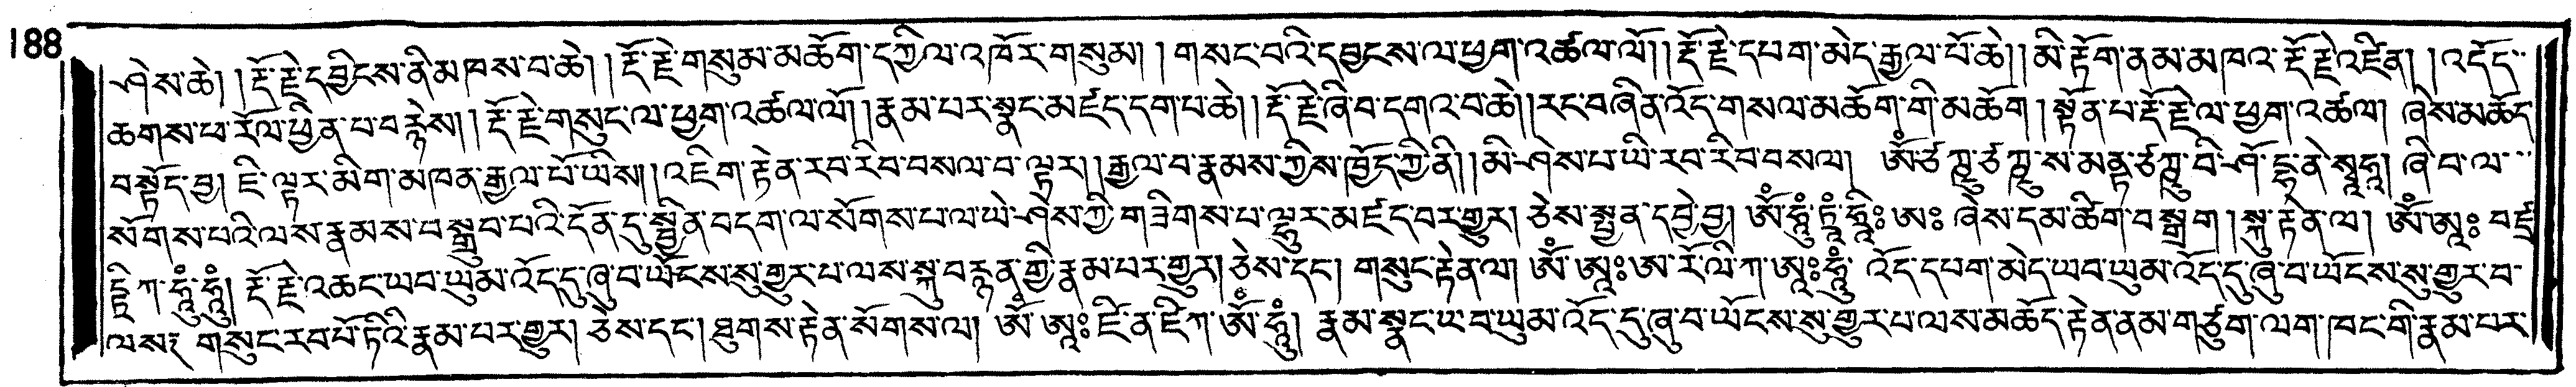ཤེས་ཆེ། །རྡོ་རྗེ་དབྱིངས་ནི་མཁས་བ་ཆེ། །རྡོ་རྗེ་གསུམ་མཆོག་དཀྱིལ་འཁོར་གསུམ། །གསང་བའི་དབྱངས་ལ་ཕྱག་འཚལ་ལོ། །རྡོ་རྗེ་དཔག་མེད་རྒྱལ་པོ་ཆེ། །མི་རྟོག་ནམ་མཁའ་རྡོ་རྗེ་འཛིན། །འདོད་
ཆགས་ཕ་རོལ་ཕྱིན་པ་བརྙེས། །རྡོ་རྗེ་གསུང་ལ་ཕྱག་འཚལ་ལོ། །རྣམ་པར་སྣང་མཛད་དག་པ་ཆེ། །རྡོ་རྗེ་ཞི་བ་དགའ་བ་ཆེ། །རང་བཞིན་འོད་གསལ་མཆོག་གི་མཆོག །སྟོན་པ་རྡོ་རྗེ་ལ་ཕྱག་འཚལ། ཞིས་མཆོད་
བསྟོད་བྱ། ཇི་ལྟར་མིག་མཁན་རྒྱལ་པོ་ཡིས། །འཇིག་རྟེན་རབ་རིབ་བསལ་བ་ལྟར། །རྒྱལ་བ་རྣམས་ཀྱིས་ཁྱོད་ཀྱི་ནི། །མི་ཤེས་པ་ཡི་རབ་རིབ་བསལ། ཨོཾ་ཙཀྵུ་ཙ་ཀྵུ་ས་མནྟ་ཙཀྵུ་བི་ཤོ་དྷ་ནེ་སྭཱ་ཧཱ། ཞི་བ་ལ་
སོགས་པའི་ལས་རྣམས་བསྒྲུབ་པའི་དོན་དུ་སྦྱིན་བདག་ལ་སོགས་པ་ལ་ཡེ་ཤེས་ཀྱི་གཟིགས་པ་ལྷུར་མཛད་བར་གྱུར། ཅེས་སྤྱན་དབྱེ་བྱ། ཨོཾ་ཧཱུཾ་ཏྲཱཾ་ཧྲཱིཿ ཨཿ ཞེས་དམ་ཚིག་བསྒྲག །སྐུ་རྟེན་ལ། ཨོཾ་ཨཱཿ བྫྲ་
དྟྲི་ཀ་ཧཱུཾ་ཧཱུཾ། རྡོ་རྗེ་འཆང་ཡབ་ཡུམ་འོད་དུ་ཞུ་བ་ཡོངས་སུ་གྱུར་པ་ལས་སྐུ་བརྒྱན་གྱི་རྣམ་པར་གྱུར། ཅེས་དང་། གསུངས་རྟེན་ལ། ཨོཾ་ཨཱཿ ཨ་རོ་ལི་ཀ་ཨཱཿ ཧཱུཾ་འོད་དཔག་མེད་ཡབ་ཡུམ་འོད་དུ་ཞུ་བ་ཡོངས་སུ་གྱུར་བ་
ལས༑ གསུང་རབ་པོ་ཏིའི་རྣམ་པར་གྱུར། ཅེས་དང་། ཐུགས་རྟེན་སོགས་ལ། ཨོཾ་ཨཱཿ ཛི་ན་ཛིཀ་ཨོཾ་ཧཱུཾ། རྣམ་སྣང་ཡབ་ཡུམ་འོད་དུ་ཞུ་བ་ཡོངས་སུ་གྱུར་པ་ལས་མཆོད་རྟེན་ནམ་གཙུག་ལག་ཁང་གི་རྣམ་པར་